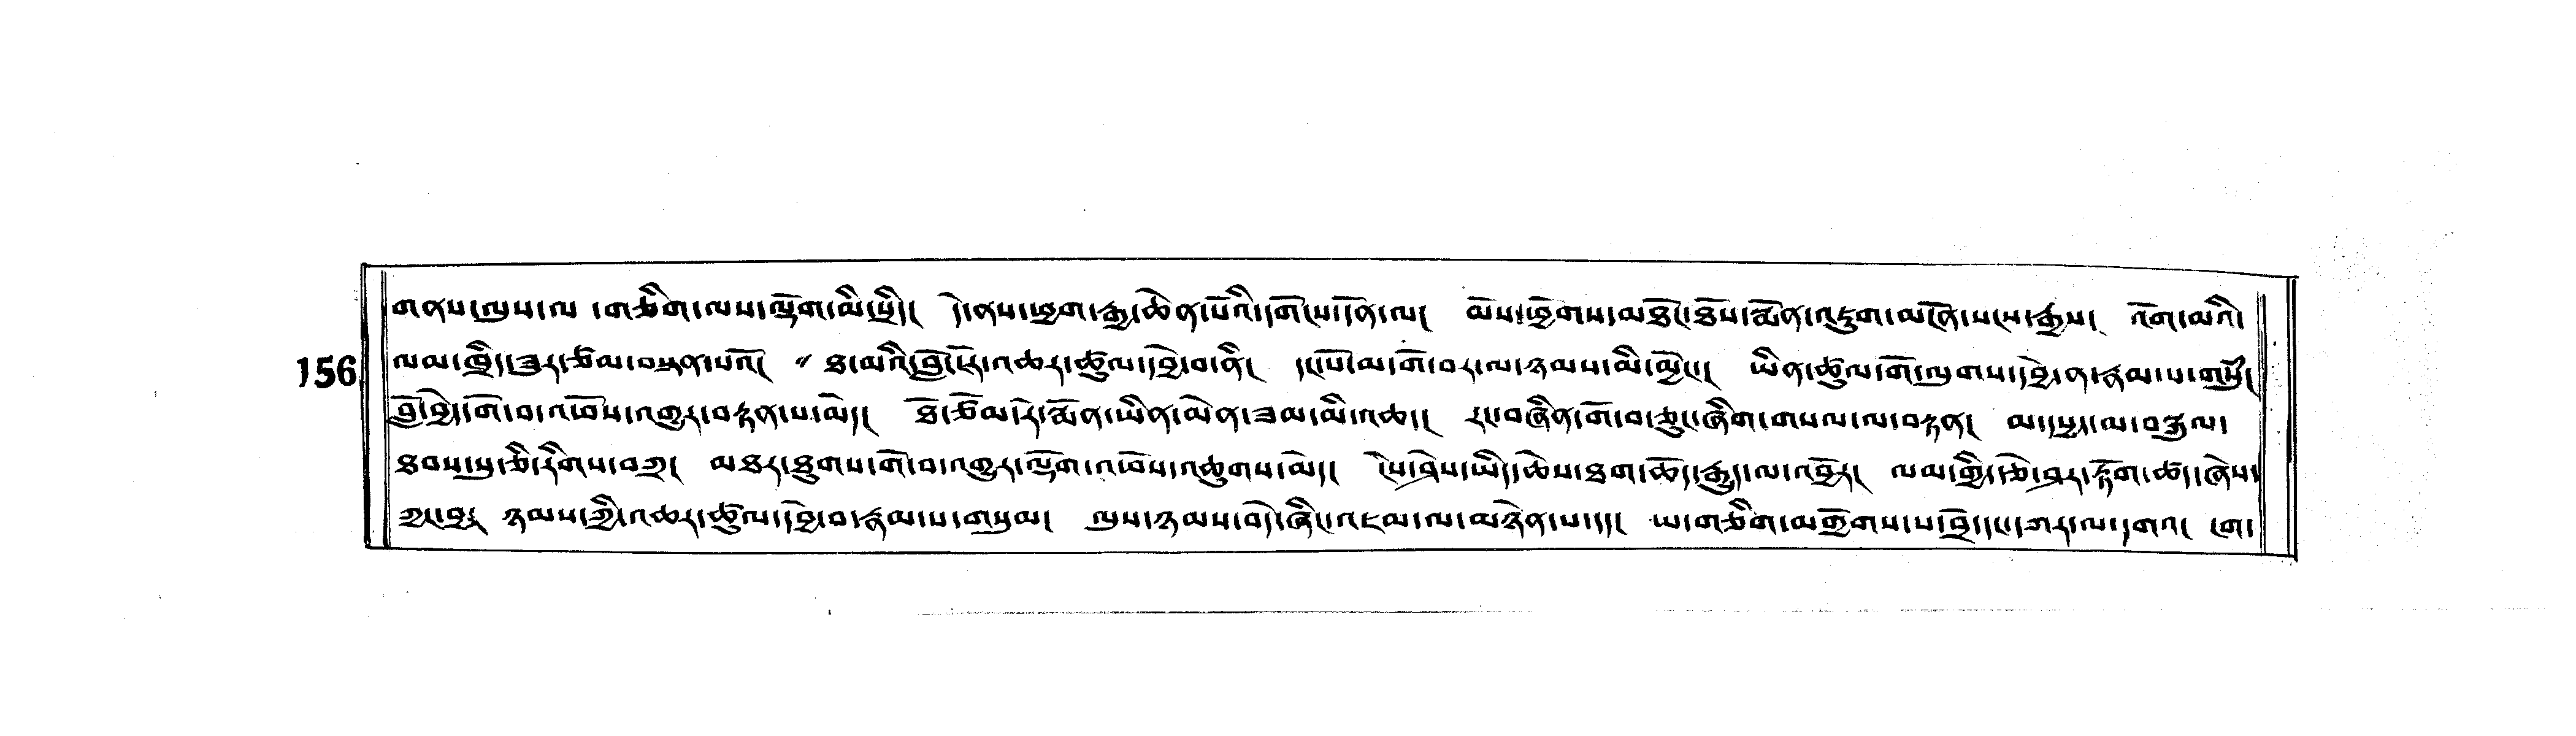གནས་ལུས་ལ་གཅིག་ལས་ལྡོག་མི་སྲིད། དེ་ནས་ཕྱག་རྒྱ་ཆེན་པོའི་དགོངས་དོན་ལ། མོས་ཕྱོགས་མཐོང་ཐོས་སྨོན་འཇུག་མངོན་སངས་རྒྱས། འོག་མའི་
ལམ་ཁྲིད་ཟུར་ཙམ་བསྟན་པའོ།། ༧ ཐ་མའི་བློ་ངོར་འཆར་ཚུལ་དབྱེ་བ་ནི། དང་པོ་མ་གོ་བར་ལ་ཉམས་མི་མྱོང་། ཡིན་ཚུལ་གོ་ལུགས་དབྱེ་ན་རྣམ་པ་གསུམ། 
བློ་བྱེད་གོ་བ་འཕོ་འགྱུར་བརྟན་པ་མེད། ཐེ་ཚོམ་རེ་སྨོན་ཡིན་མིན་ཟམ་མི་འཆད། རང་བཞིན་གོ་བ་ཅུང་ཞིག་གསལ་ལ་བརྟན། མ་དཔྱད་མ་བསྐུལ་
ཐབས་སུ་ཅི་རིགས་བཀྲ། མཐར་ཐུག་གོ་བ་འགྱུར་ལྡོག་འཕོས་འཆུགས་མེད། ངེས་ཤེས་ཡིད་ཆེས་ཐག་ཆོད་རྒྱུད་ལ་འབྱོར། ལམ་གྱི་རྩེ་ཤར་རྟོགས་ཚད་ཞེས་
ཀྱང་བྱ། ཉམས་ཀྱི་འཆར་ཚུལ་དབྱེ་བ་རྣམ་པ་གསུམ། ལུས་ཉམས་བདེ་ཞིང་འཇམ་ལ་མཉེན་པ་དང་། ཡ་གཅིག་འགྱོག་པ་བྲོ་དང་དཀར་ལ་དགའ། ངག་